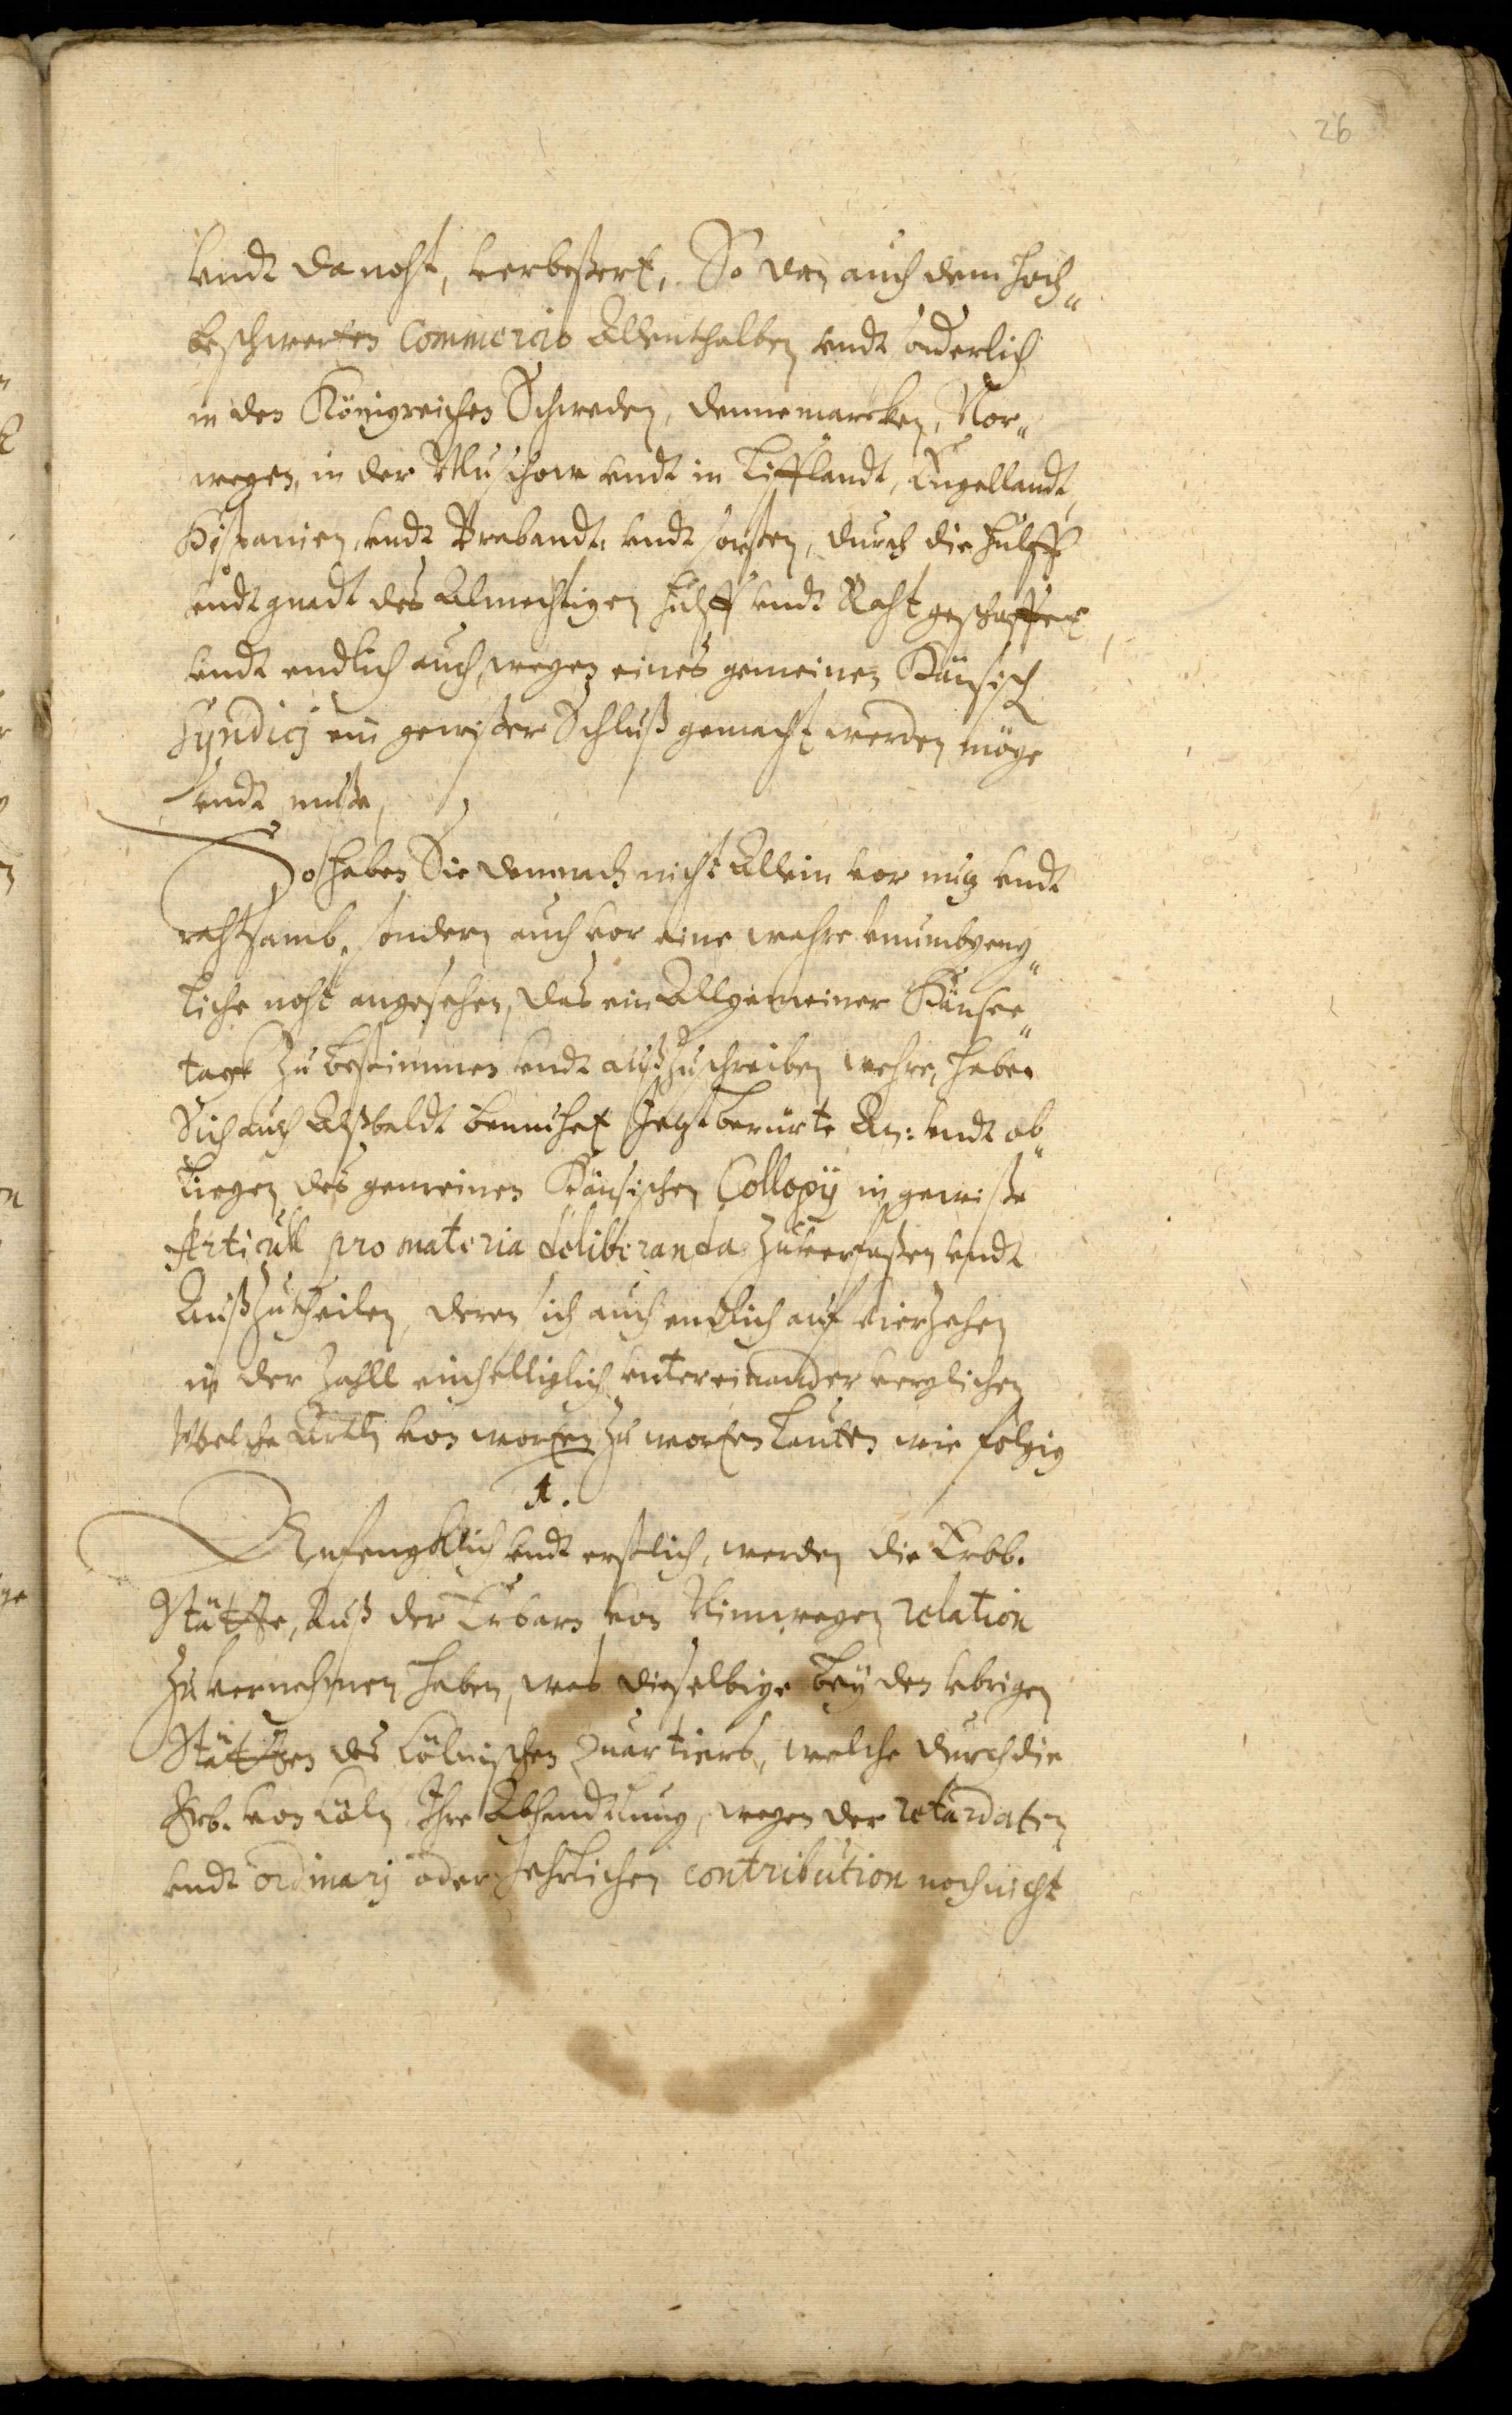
vndt da noht, verbeßert, So dan auch dem hoch¬
beschwerten Commercio Allenthalben vndt sonderlich
in den Königreichen Schweden, dennemarken, Nor¬
wegen, in der Muschow vndt Lifflandt, Engellandt,
Hispanien, vndt Brabandt, vndt sonsten, durch die hulff
vndt gnadt das Almechtigen hulff undt Raht geschaffet
vndt endlich auch wegen eines gemeinen Hänsich
Syndici ein gewißer Schluß gemacht werden möge
vndt muße,
So haben Sie demnach nicht Allein vor nutz vndt
rahtsamb, sondern auch vor eine wahre unumbgeng¬
liche noht angesehen, das ein Allgemeiner Hänsee¬
tagk Zu bestimmen undt außZuschreiben wehre, haben
Sich auch Alßbaldt bemuhet Ietzt berürte An: vndt ob¬
liegen des gemeinen Hänsischen Collegij in gewiße
Articull pro materia deliberanda Zuverfaßen vndt
Außzutheilen, deren sich auch endlich auf vierZehen
in der Zahll einhelliglich vntereinander verglichen
Welche Arth von worten Zu worten Lauten wir folgig
1.
Anfengklich vndt erstlich, werden die Erbb.
Stätte Auß der Erbarn von Nimwegen relation
Zu vernehmen haben, was dieselbige beij den vbrigen
Stätten des Cölnischen Quartiers, welche durch die
Erb. von Cöln Ihre Abhandtlung, wegen der retardaten
vndt ordinari oder Iehrlichen contribution noch nicht
